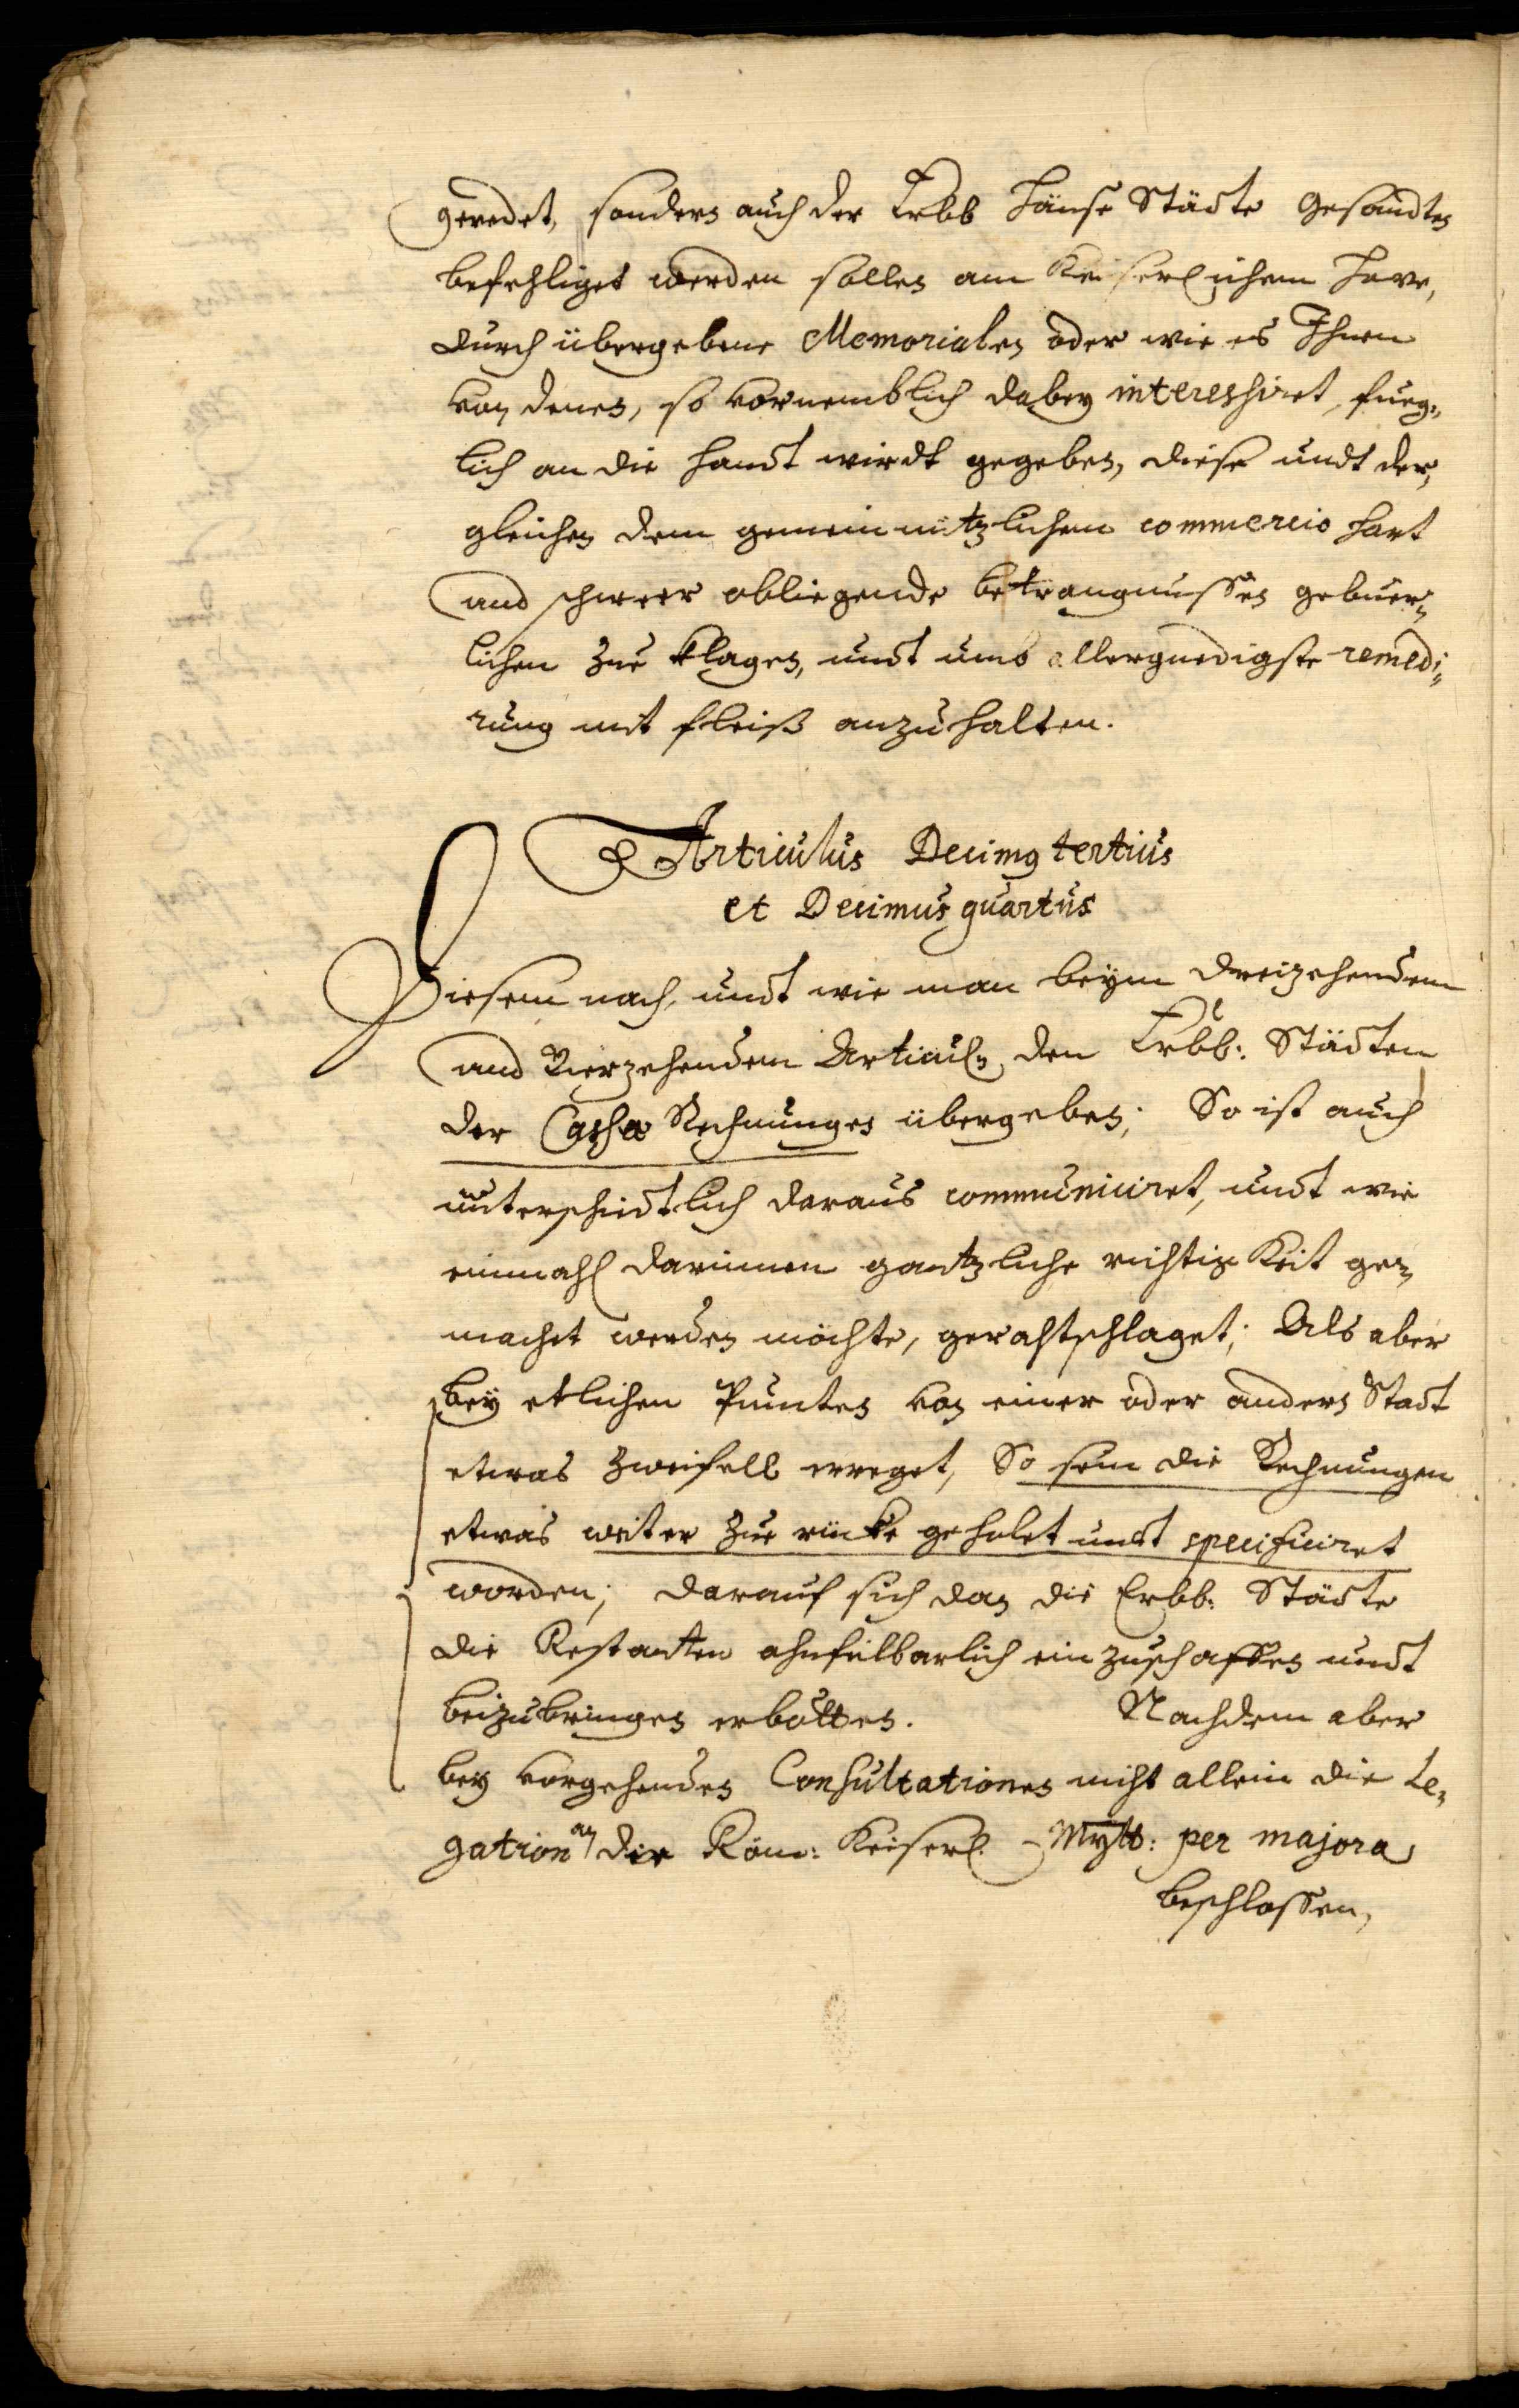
geredet, sondern auch der Erbb Hänse Städte gesandten
befehliget werden sollen am Keiserlichem hove,
durch übergebene Memorialen oder wie es Ihnen
von denen, so vornemblich dabey interessiret, fueg¬
lich an die handt wirdt gegeben, diese undt der¬
gleichen dem gemeinnützlichem commercio hart
vnd schweer obliegende betrangnussen gebuer¬
lichen zue klagen, undt umb allergnedigste remedi¬
rung mit fleiß anzuhalten.
Articulus Decimus tertius
et Decimus quartus.
Diesem nach, undt wie man beijm dreizehendem
vnd Vierzehendem Articuln den Erbb: Städten
der Cassa Rechnungen übergeben; So ist auch
unterschiedtlich daraus communiciret, undt wie
einmahl darinnen gantzliche richtigkeit ge¬
machet werden möchte, gerahtschlaget; Als aber
beij etlichen Puncten von einer oder andern Stadt
etwas zweifell erreget, So sein die Rechnungen
etwas weiter zue rücke geholet undt specificiret
worden; darauf sich dan die Erbb: Städte
die Restanten ahnfulbarlich einzuschaffen undt
beizubringen erbotten. Nachdem aber
beij vorgehenden Consultationen nicht allein die Le¬
gation an die Röm: Keiserl. Mytt: per majora
beschlossen,
